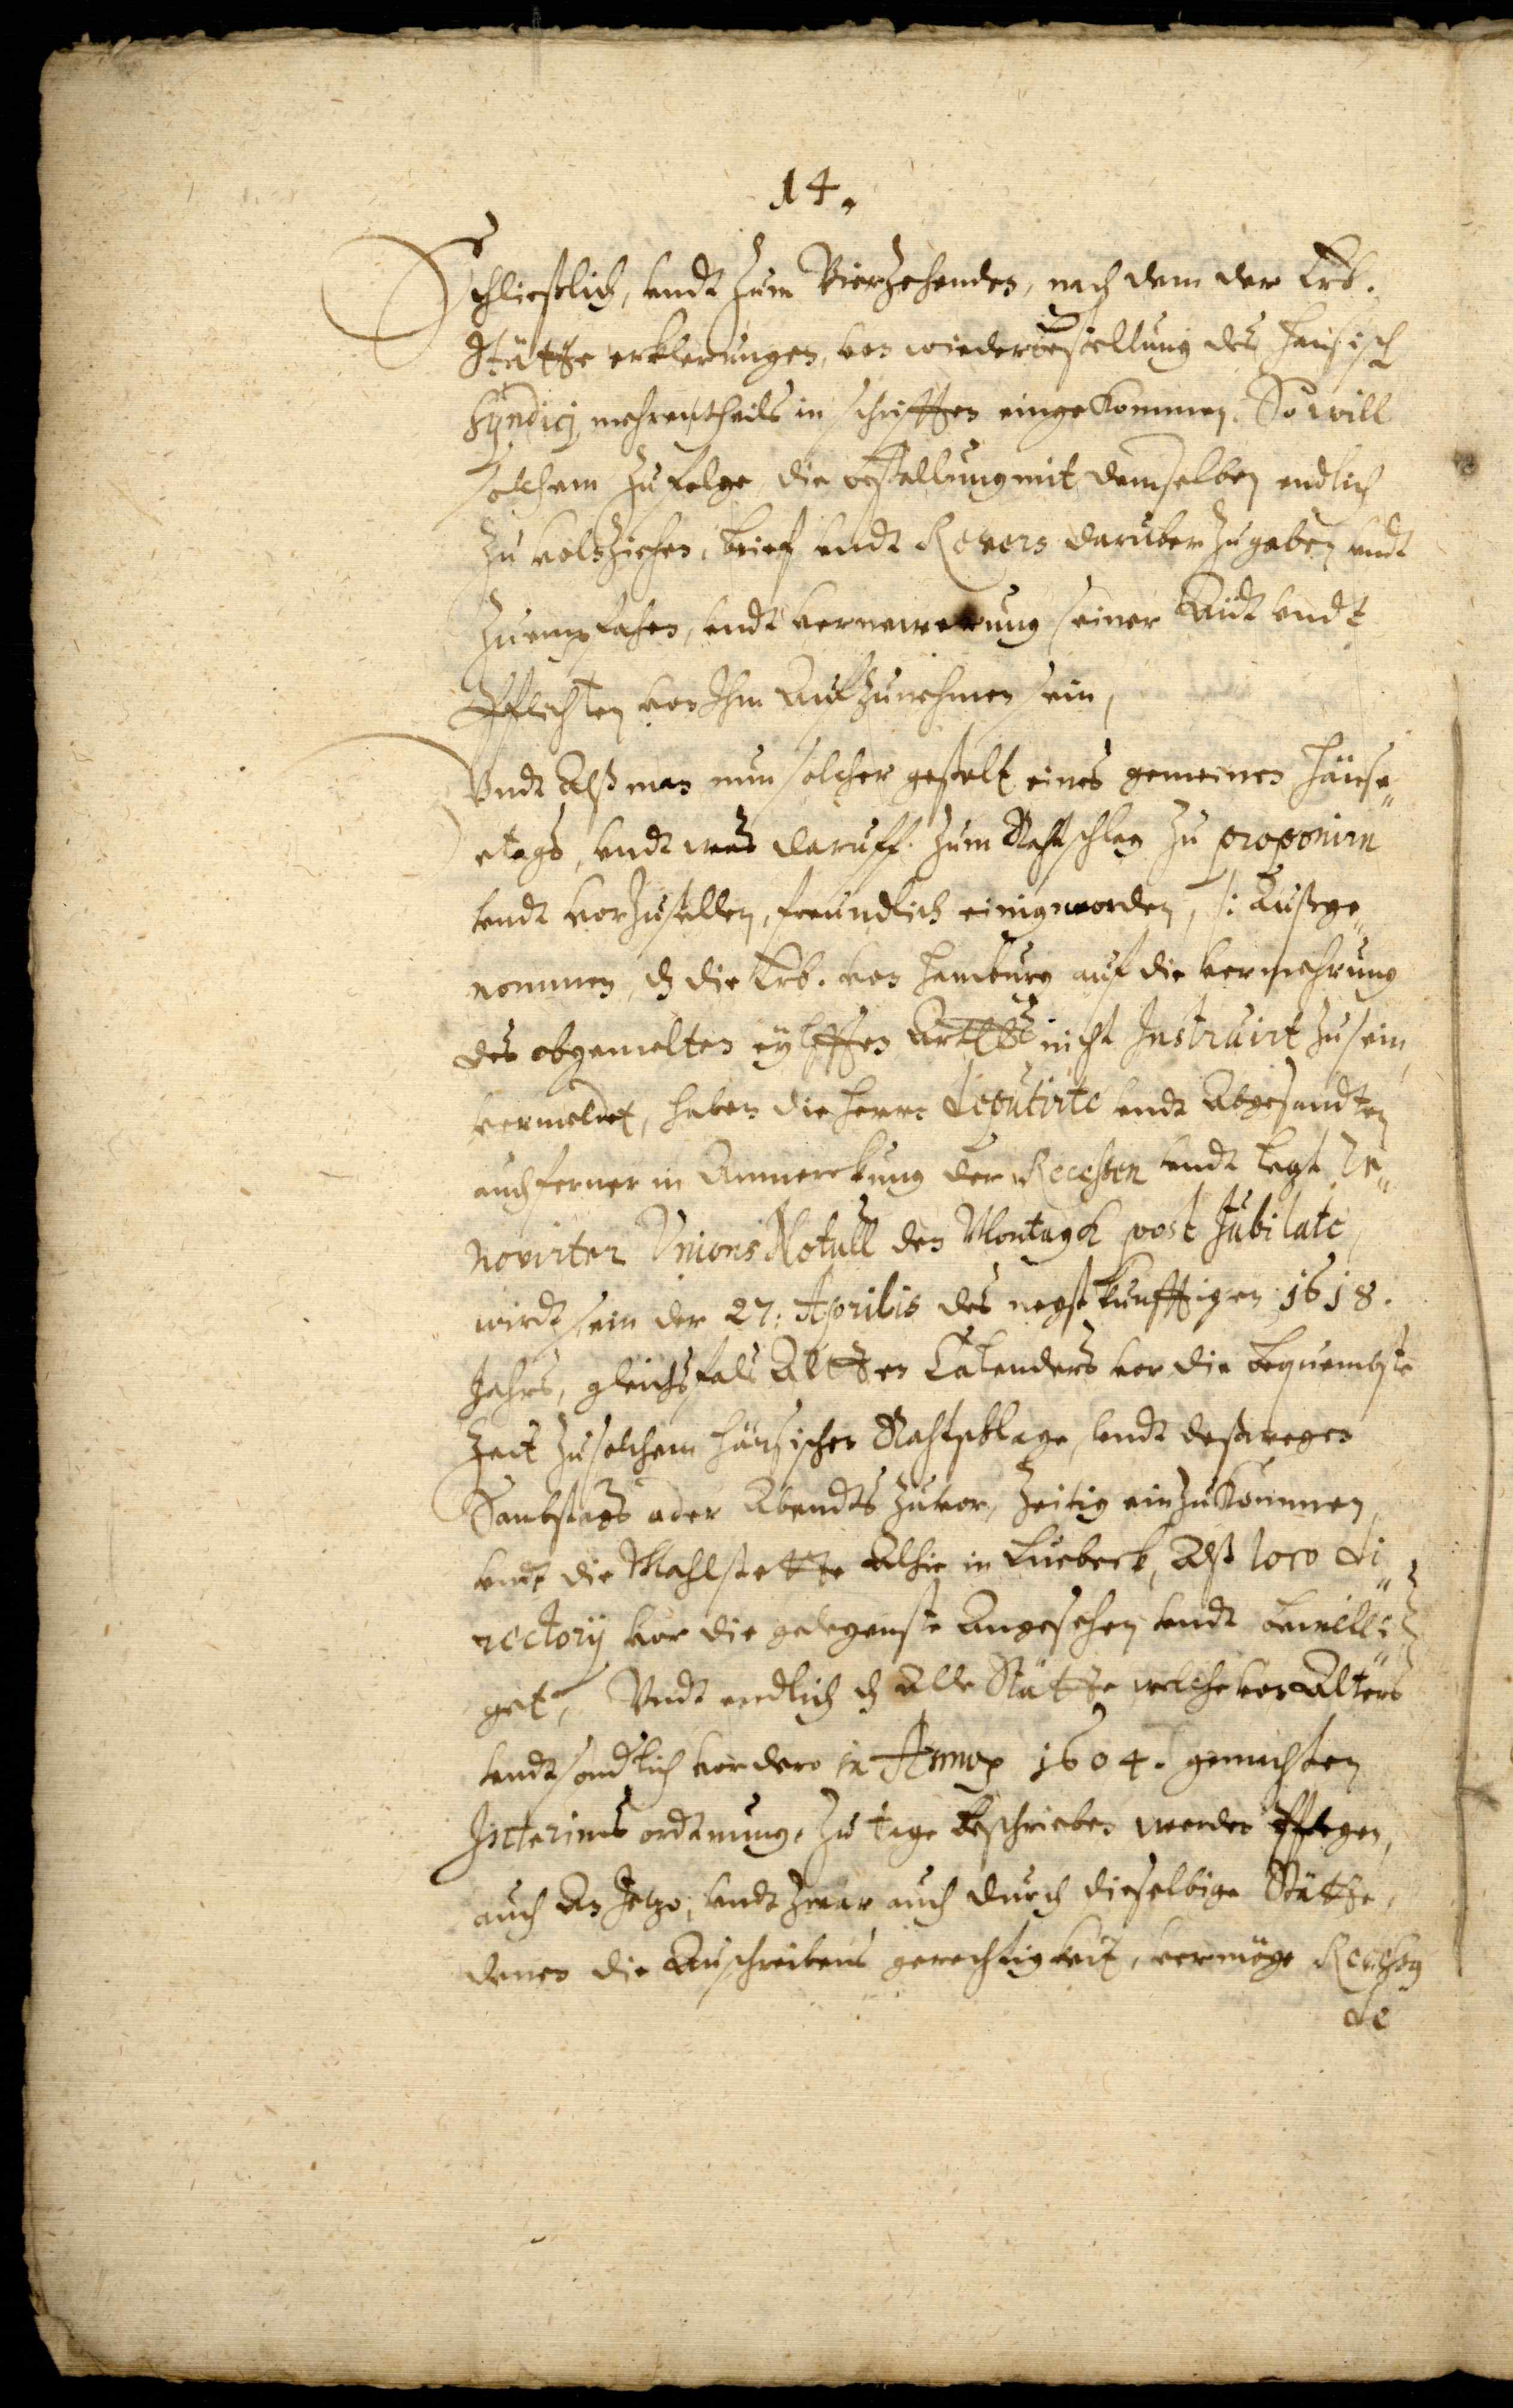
14.
Schließlich, vndt zum Vierzehenden, nach dem der Erb.
stätte erklerungen, von wiederbestellung des hansischen
Syndici mehrentheils in schrifften eingekommen. So will
solchem zu folge, die bestallung mit demselben endlich
zu volnziehen, brief vndt Revers daruber zu geben vndt
zu empfahen, vndt vernewerung seiner Aidt vndt
Pflichten von Ihm AufZunehmen sein,
Vndt Alß man nun solcher gestalt eines gemeinen hänse¬
etags, vndt was daruff zum Rahtschlag zu proponirn
vndt vorzustellen, freundlich einig worden, /: außge¬
nommen, dz die Erb. von Hamburg auf die vermehrung
des obgemelten eijlfften Artlls. nicht Instruirt zu sein
vermeldet, haben die herrn Deputirte vndt Abgesandten
auch ferner in Anmerckung der Recessen vndt letzt re¬
novirter Vnions Notull den Montagk post Iubilate,
wirdt sein der 27: Aprilis des negst kunfftigen i6i8.
Iahrs, gleichsfals alten Calenders vor die bequembste
Zeit zu solchem hänsischen Rahtschlage, vndt deßwegen
Sambstags oder abendts zuvor, zeitig einzukommen
vundt die Mahlstette alhie in Luebeck, Alß loco di¬
rectorij vor die gelegenste angesehen vndt bewilli¬
get, vndt endlich den alle Stätte welche von Alters
vndt sonderlich vor dero in Anno i604. gemachten
Interims ordtnung, zu tage beschrieben werden pflegen,
auch an Ietzo, vndt zwar auch durch dieselbige Stätte,
denen die Auschreibens gerechtigkeit, vermöge Recessq
de
